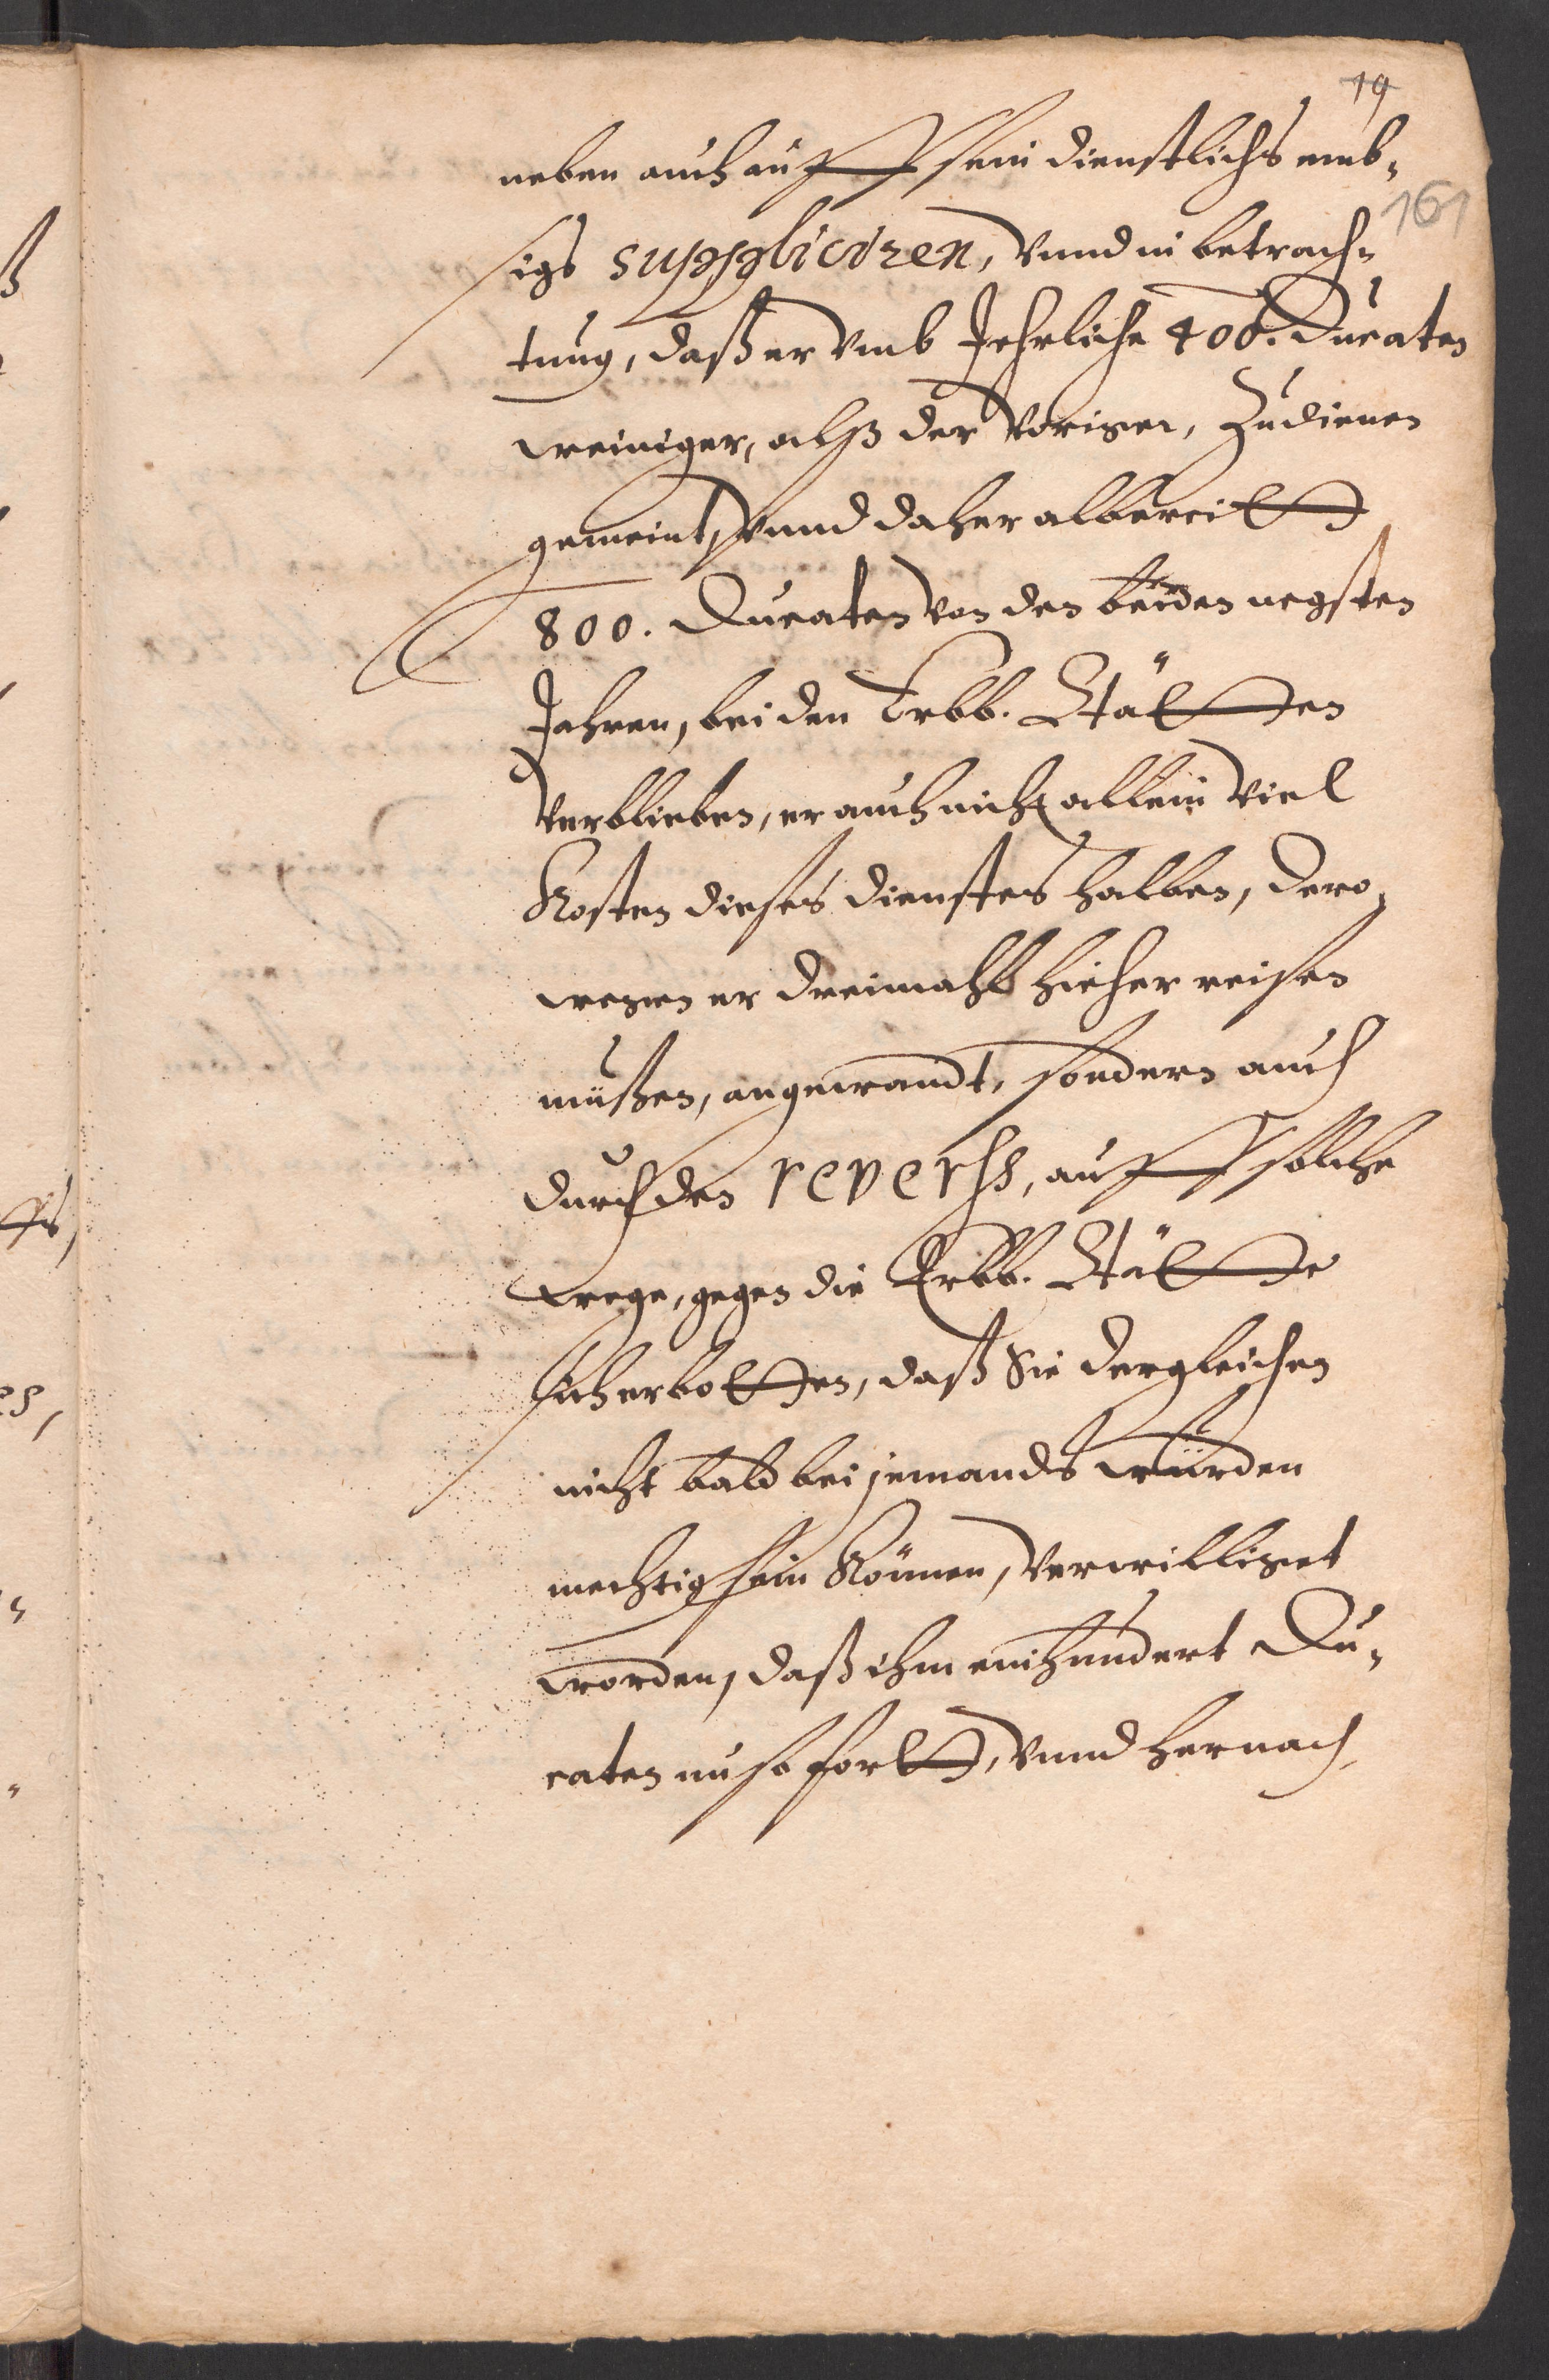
19
neben auch auff sein dienstlichs emb¬
sigs suppliciren, vnnd in betrach¬
tung, daß er vmb jehrliche 400. Ducaten
weiniger, alß der vorigen, zudienen
gemeint, vnnd daher albereitt
800. Ducaten von den beiden negsten
Jahren, bei den Erbb. Stätten
verblieben, er auch nicht allein viel
kosten dieses dienstes halben, dero¬
wegen er dreimahl hieher reisen
müßen, angewandt, sondern auch
durch den reverss, auff solche
wege, gegen die Erbb. Stätte
sich erbotten, daß sie dergleichen
nicht bald bei jemands würden
mechtig sein können, verwilliget
worden, daß ihm einhundert Du¬
caten nu so fortt, vnnd hernach,
